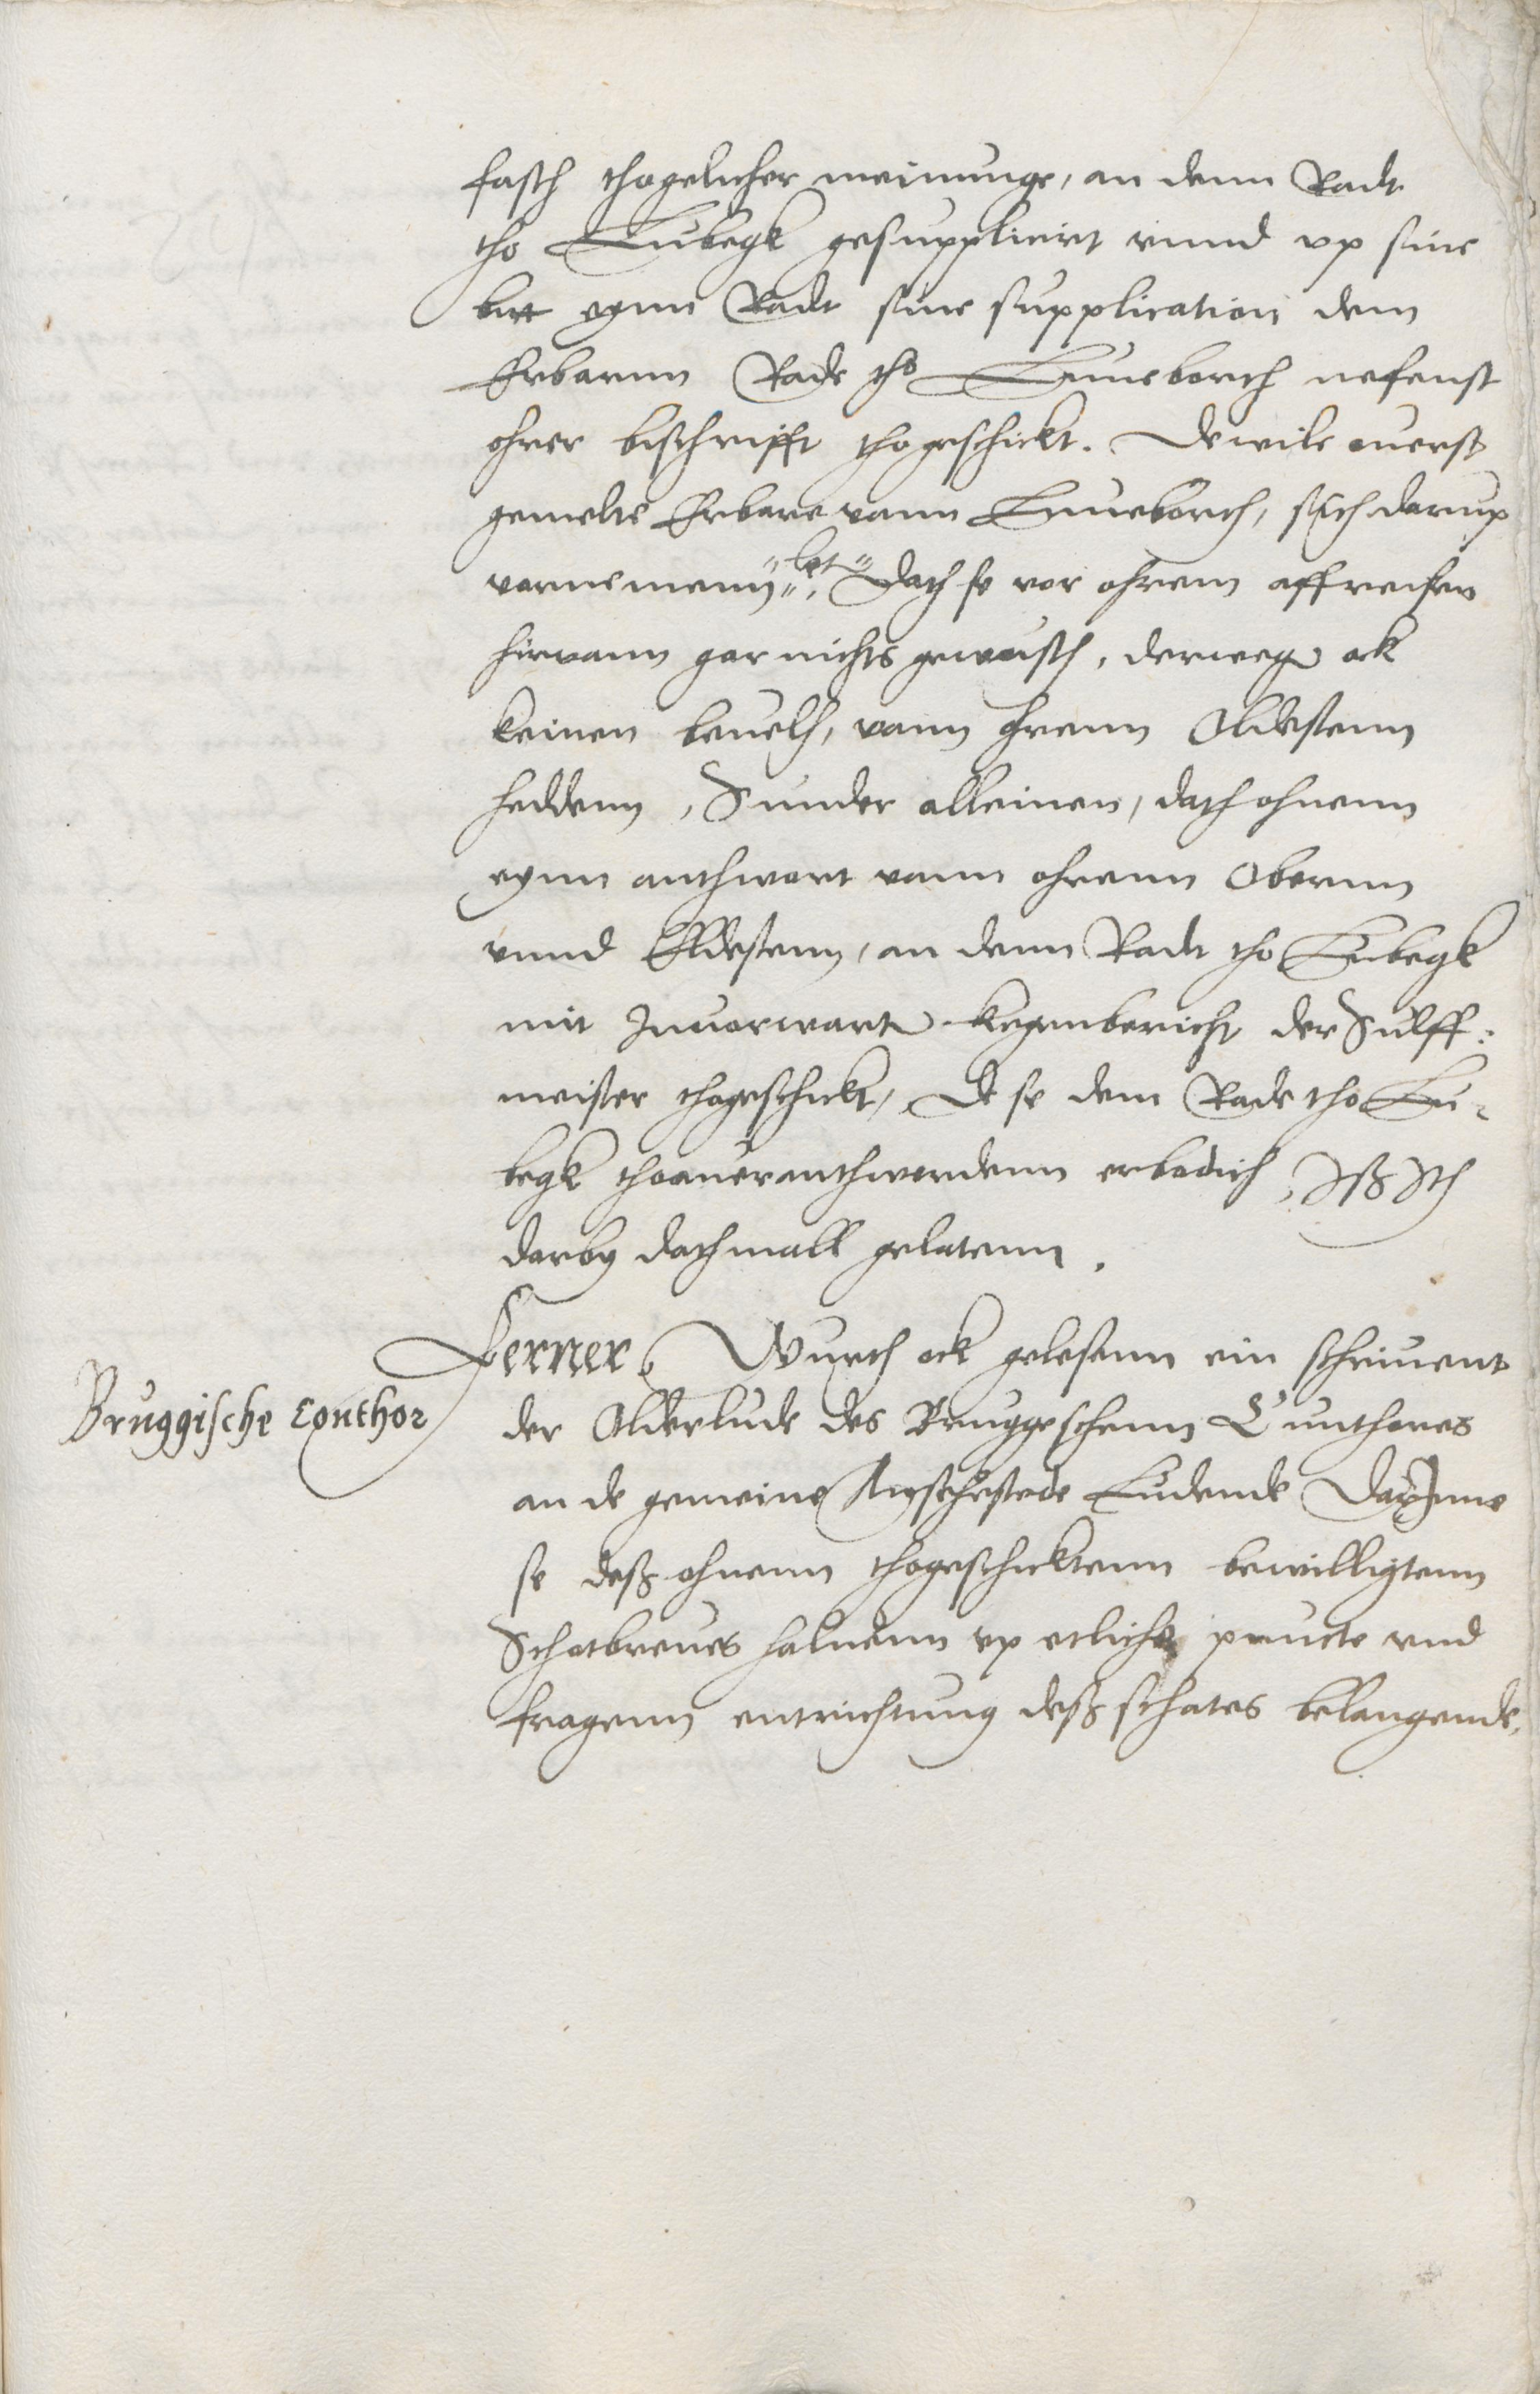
fasth thogelicher meinunge, an denn Radt
tho Lubegk gesupplicirt vnnd vp sine
bitt eynn Radt sine supplication dem
Erbarnn Rade tho Luneborch nefenst
ohrer bischrifft tho geschickt. Dewile ouerst
gemelte Erbare vann Luneborch, sich darup
vornemenn leten Dath se vor ohrem affreisen
hirvann gar nichts gewusth, derwegen ock
keinen beuelh, vann ohrenn Oldestenn
heddenn, Sunder alleinen, dath ohnenn
eynn anthwort vann ohrenn Obernn
vnnd Eldestenn, an denn Radt tho Lubegk
mit jnuorwarten kegenbericht der Sulff¬
meister thogeschickt, De se dem Radt tho Lu¬
begk thoaueranthwerdenn erbodich, jß jth
darby dathmall gelatenn.
Ferner, Wurth ock gelesenn ein schriuent
der Olderlude des Bruggeschenn Cunthores
an de gemeine Ansehestede Ludende Darjnne
se deß ohnenn thogeschicktenn bewilligtenn
Schotbreues haluenn vp etliche puncte vnd
fragenn entrichtung deß schotes belangende
Bruggische Conthor
